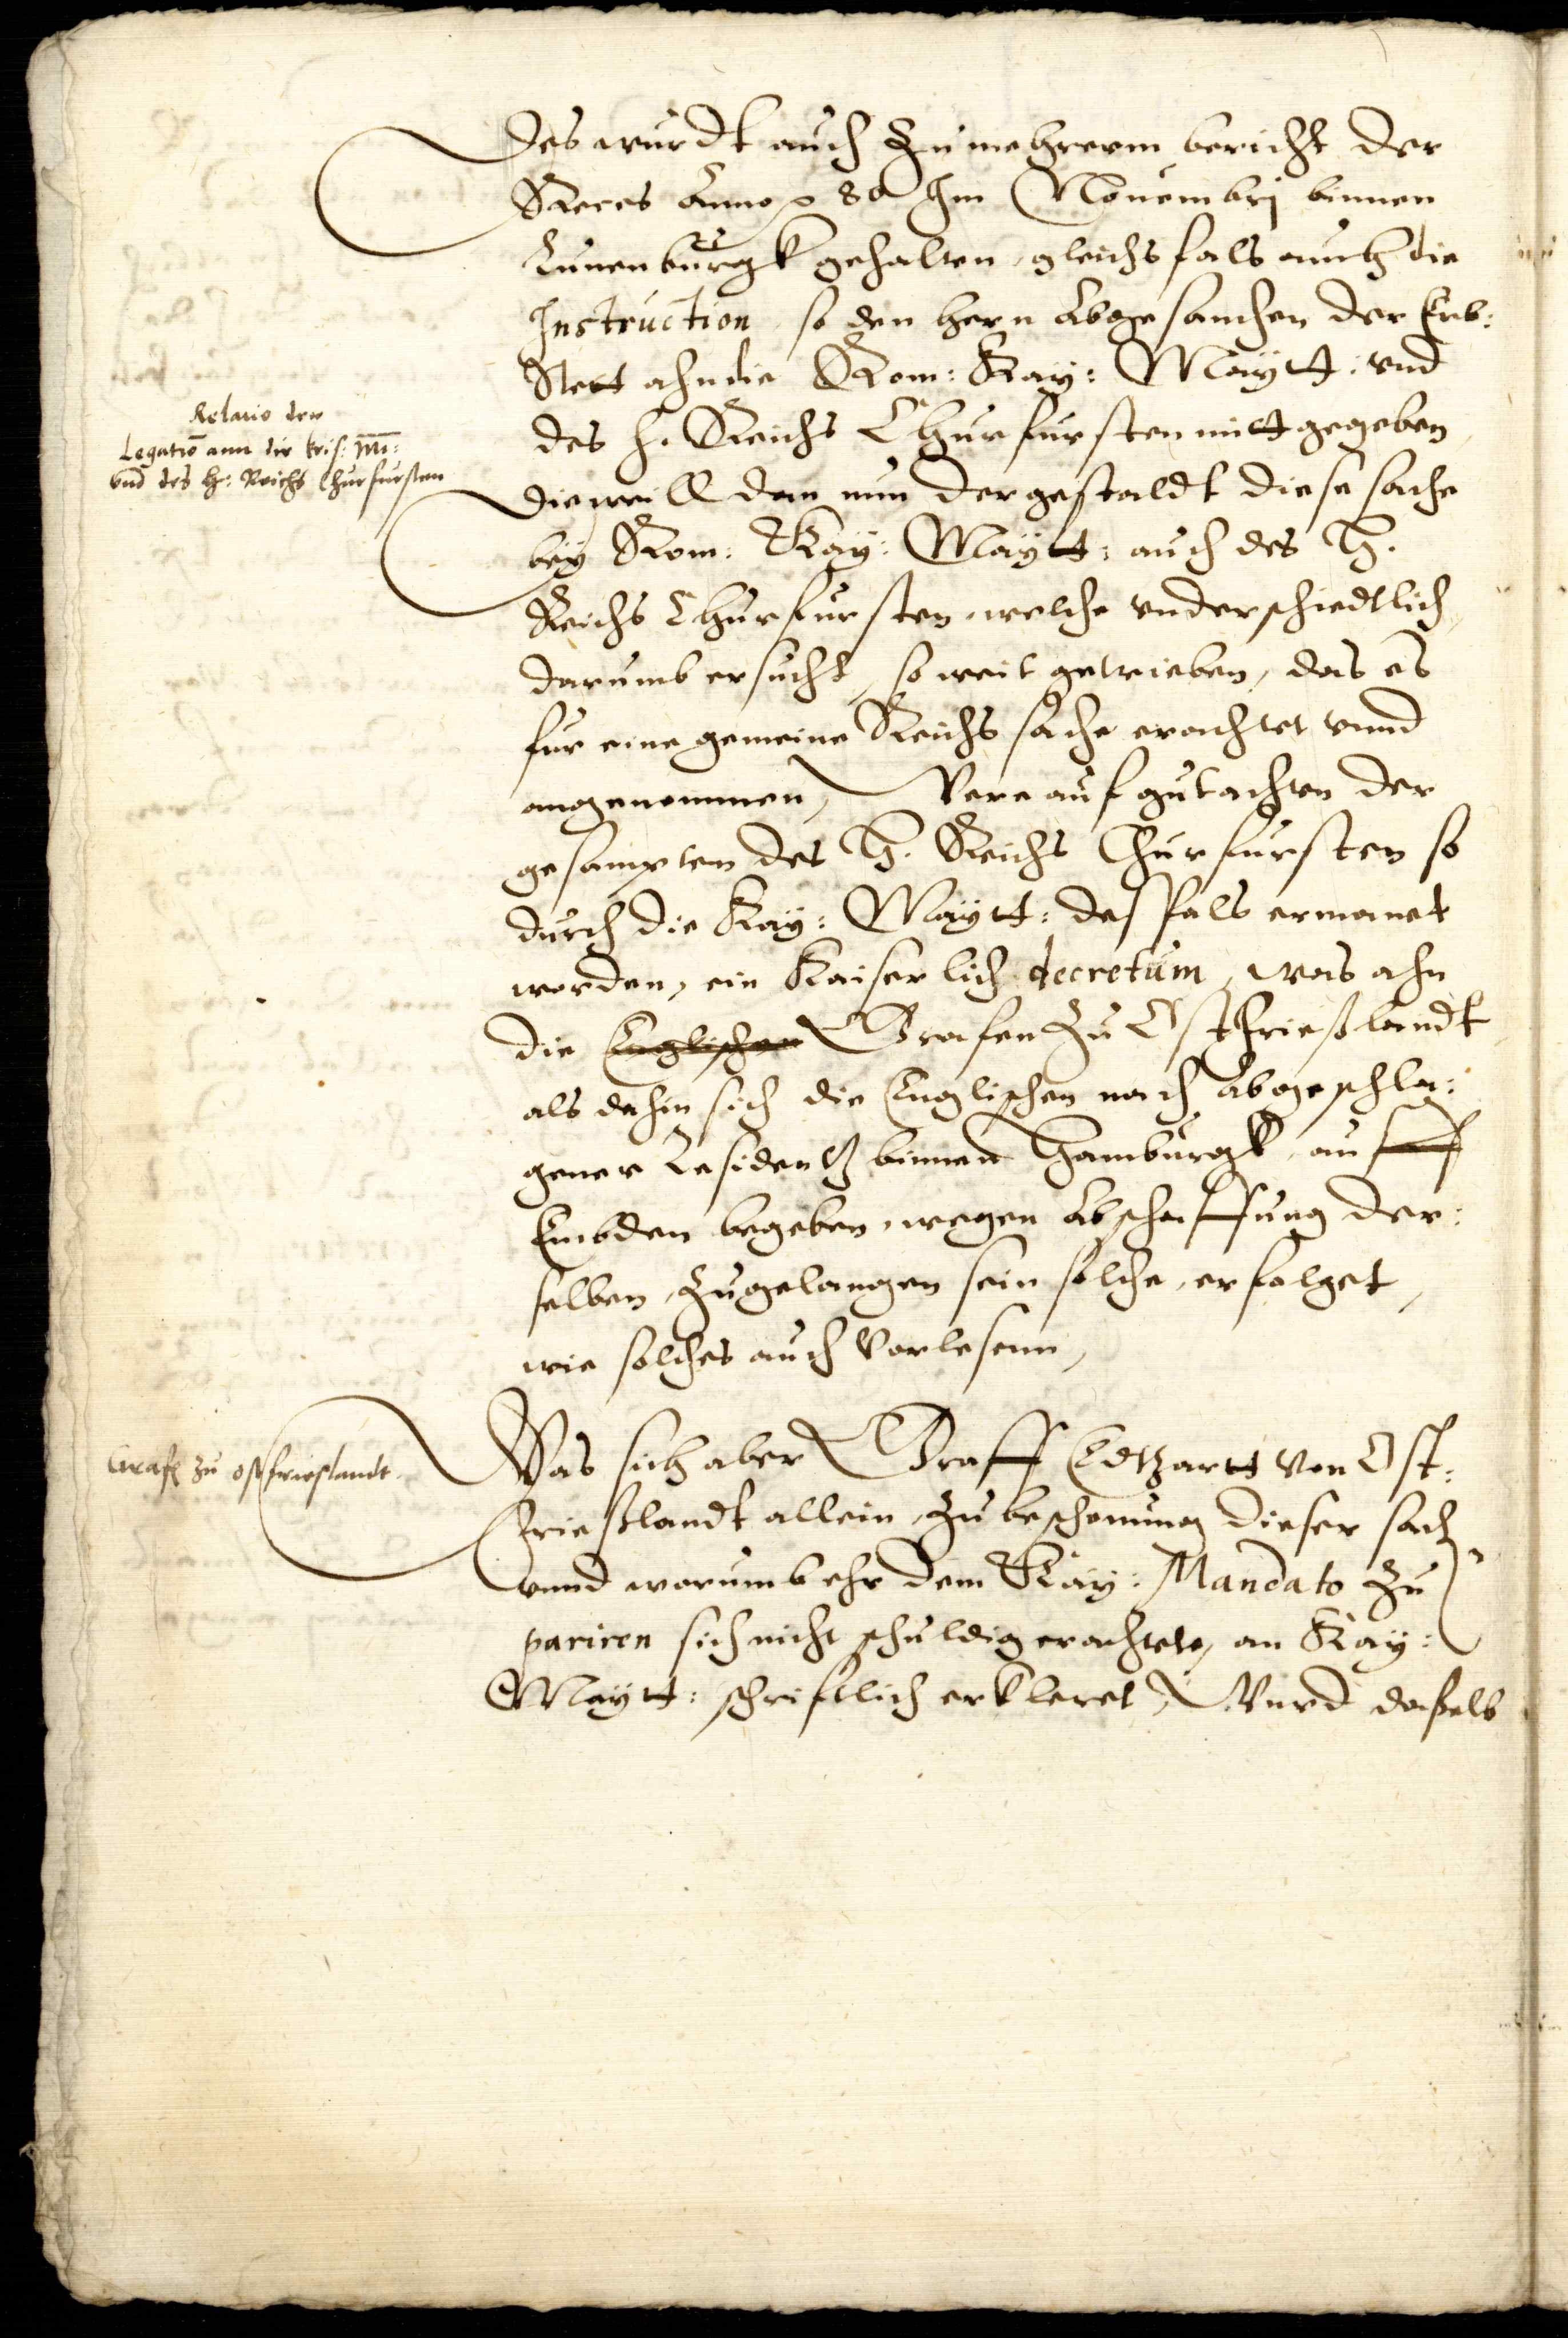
Relatio der
Legation ann die Keis: Mt:
und des h: Reichs Churfursten
des wurdt auch zu mehrerm bericht der
Reces Anno p. 80 Jm Nouembrj binnen
Lunenburgk gehalten, gleichsfals auch die
Instruction so den hern Abgesanthen der Erb:
Stett ahn die Rom: Kaij: Maijtt: vnd
des h. Reichs Churfursten mittgegeben
dieweill dan nun dergestaldt diese sache
beij Rom: Kaij: Maijtt: auch des H.
Reichs Churfursten, welche vnderschiedtlich
darumb ersucht, soweit getrieben, das es
fur eine gemeine Reichs sache erachtet vnnd
angenommen, Were auf gutachten der
gesampten des H. Reichs Churfursten so
durch die Kaij: Maijtt: desfals ermanet
worden, ein Kaiserlich decretum, was ahn
die Englischen Grafen zu Ostfrießlandt
als dahin sich die Englischen nach abgeschla¬
gener Residentz binnen Hamburgk, auff
Embden begeben, wegen Abschaffung der¬
selben, zugelangen sein solthe, erfolget,
wie solches auch vorlesenn,
Grafe zu ostfrieslandt
Was sich aber Graff Edtzartt von Ost¬
frießlandt allein zu beschonung dieser sachen
vnnd worumb ehr dem Kaij: Mandato zu
pariren sich nicht schuldig erachtete, an Kaij:
Maijtt: schriftlich erkleret, Wurd daßelb
